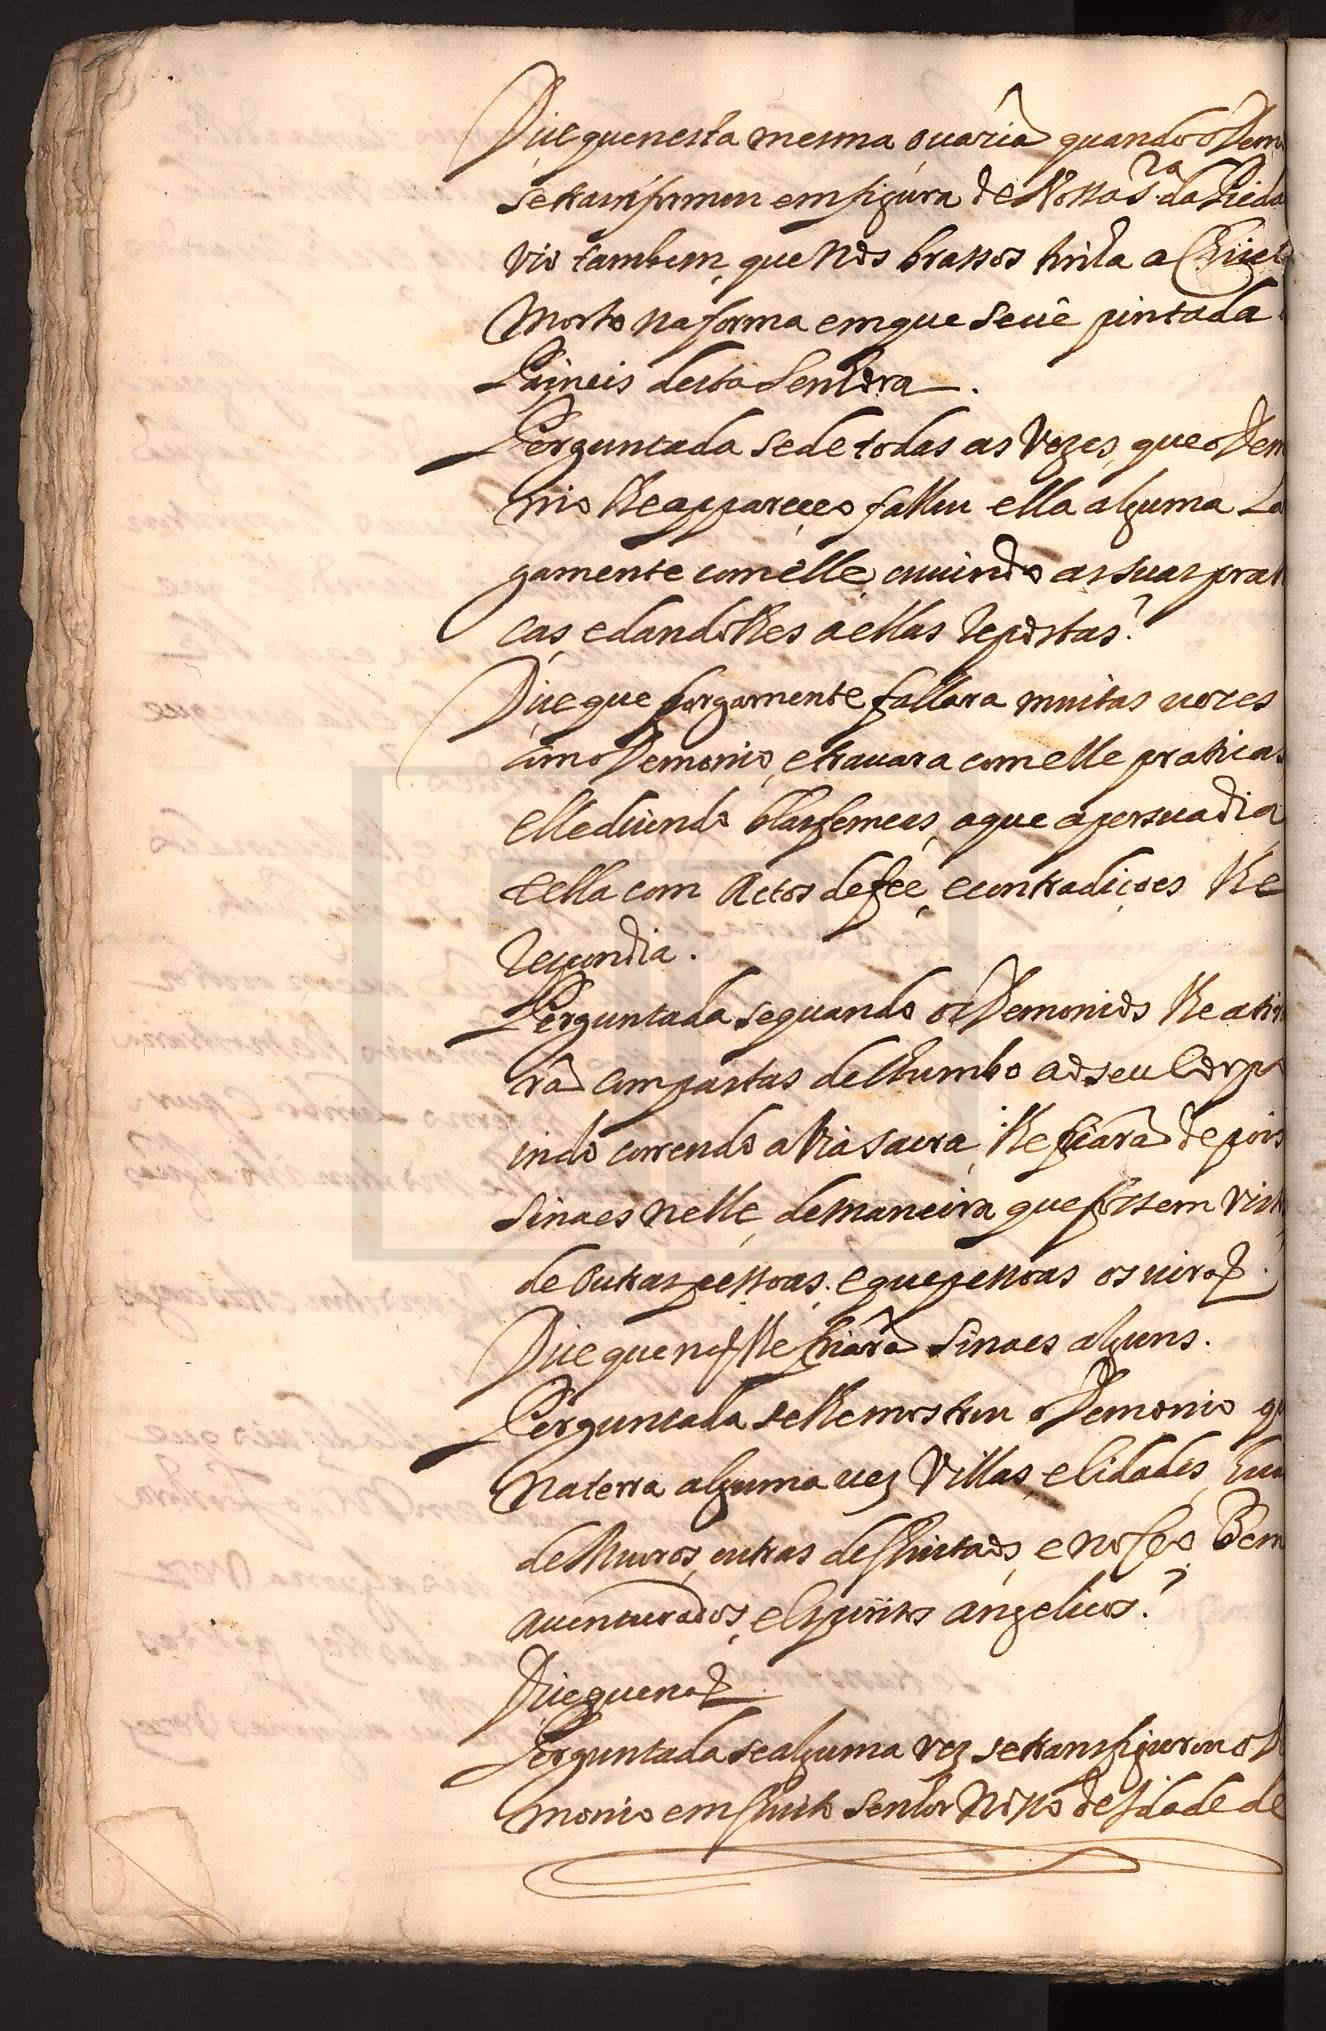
Dice que nesta mesma occaziaõ quando o Dem
se transformou em figura de Nossa s.ra da Pieda
vio tambem, que nos brassos tinha a Christ
morto na forma em que se uê pintada
Paineis desta Senhora.
Perguntada se de todas as Vezes, que o Dem
nio lhe appareceo fallou ella alguma La
gamente com elle, ouuindo as suas pra
cas, e dandolhes a ellas Repostas?
Dice que largamente fallara muitas uezes
sim o Demonio e trauara com elle praticas
elle dizendo blasfemeas, a que a persuadia
e ella com Actos de fee, e contradiçoẽs lhe
Respondia.
Perguntada se quando os Demonios lhe atir
raõ com portas de chumbo ao seu corpo
indo correndo a Via sacra lhe ficaraõ depois
sinaes nelle, de maneira que fossem vist
de outras pessoas, e que pessoas os uiraõ?
Dice que naõ lhe ficarā sinaes alguns.
Perguntada se lhe mostrou o Demonio qu
na terra alguma uez Villas, e Cidades hua
de Mouros, outras de Christaos, e no Ceo Bem
auenturados, e Espiritos angelicos?
Dice que naõ
Perguntada se alguma vez se transfigurou o D
monio em Christo senhor nosso de Jdade de
